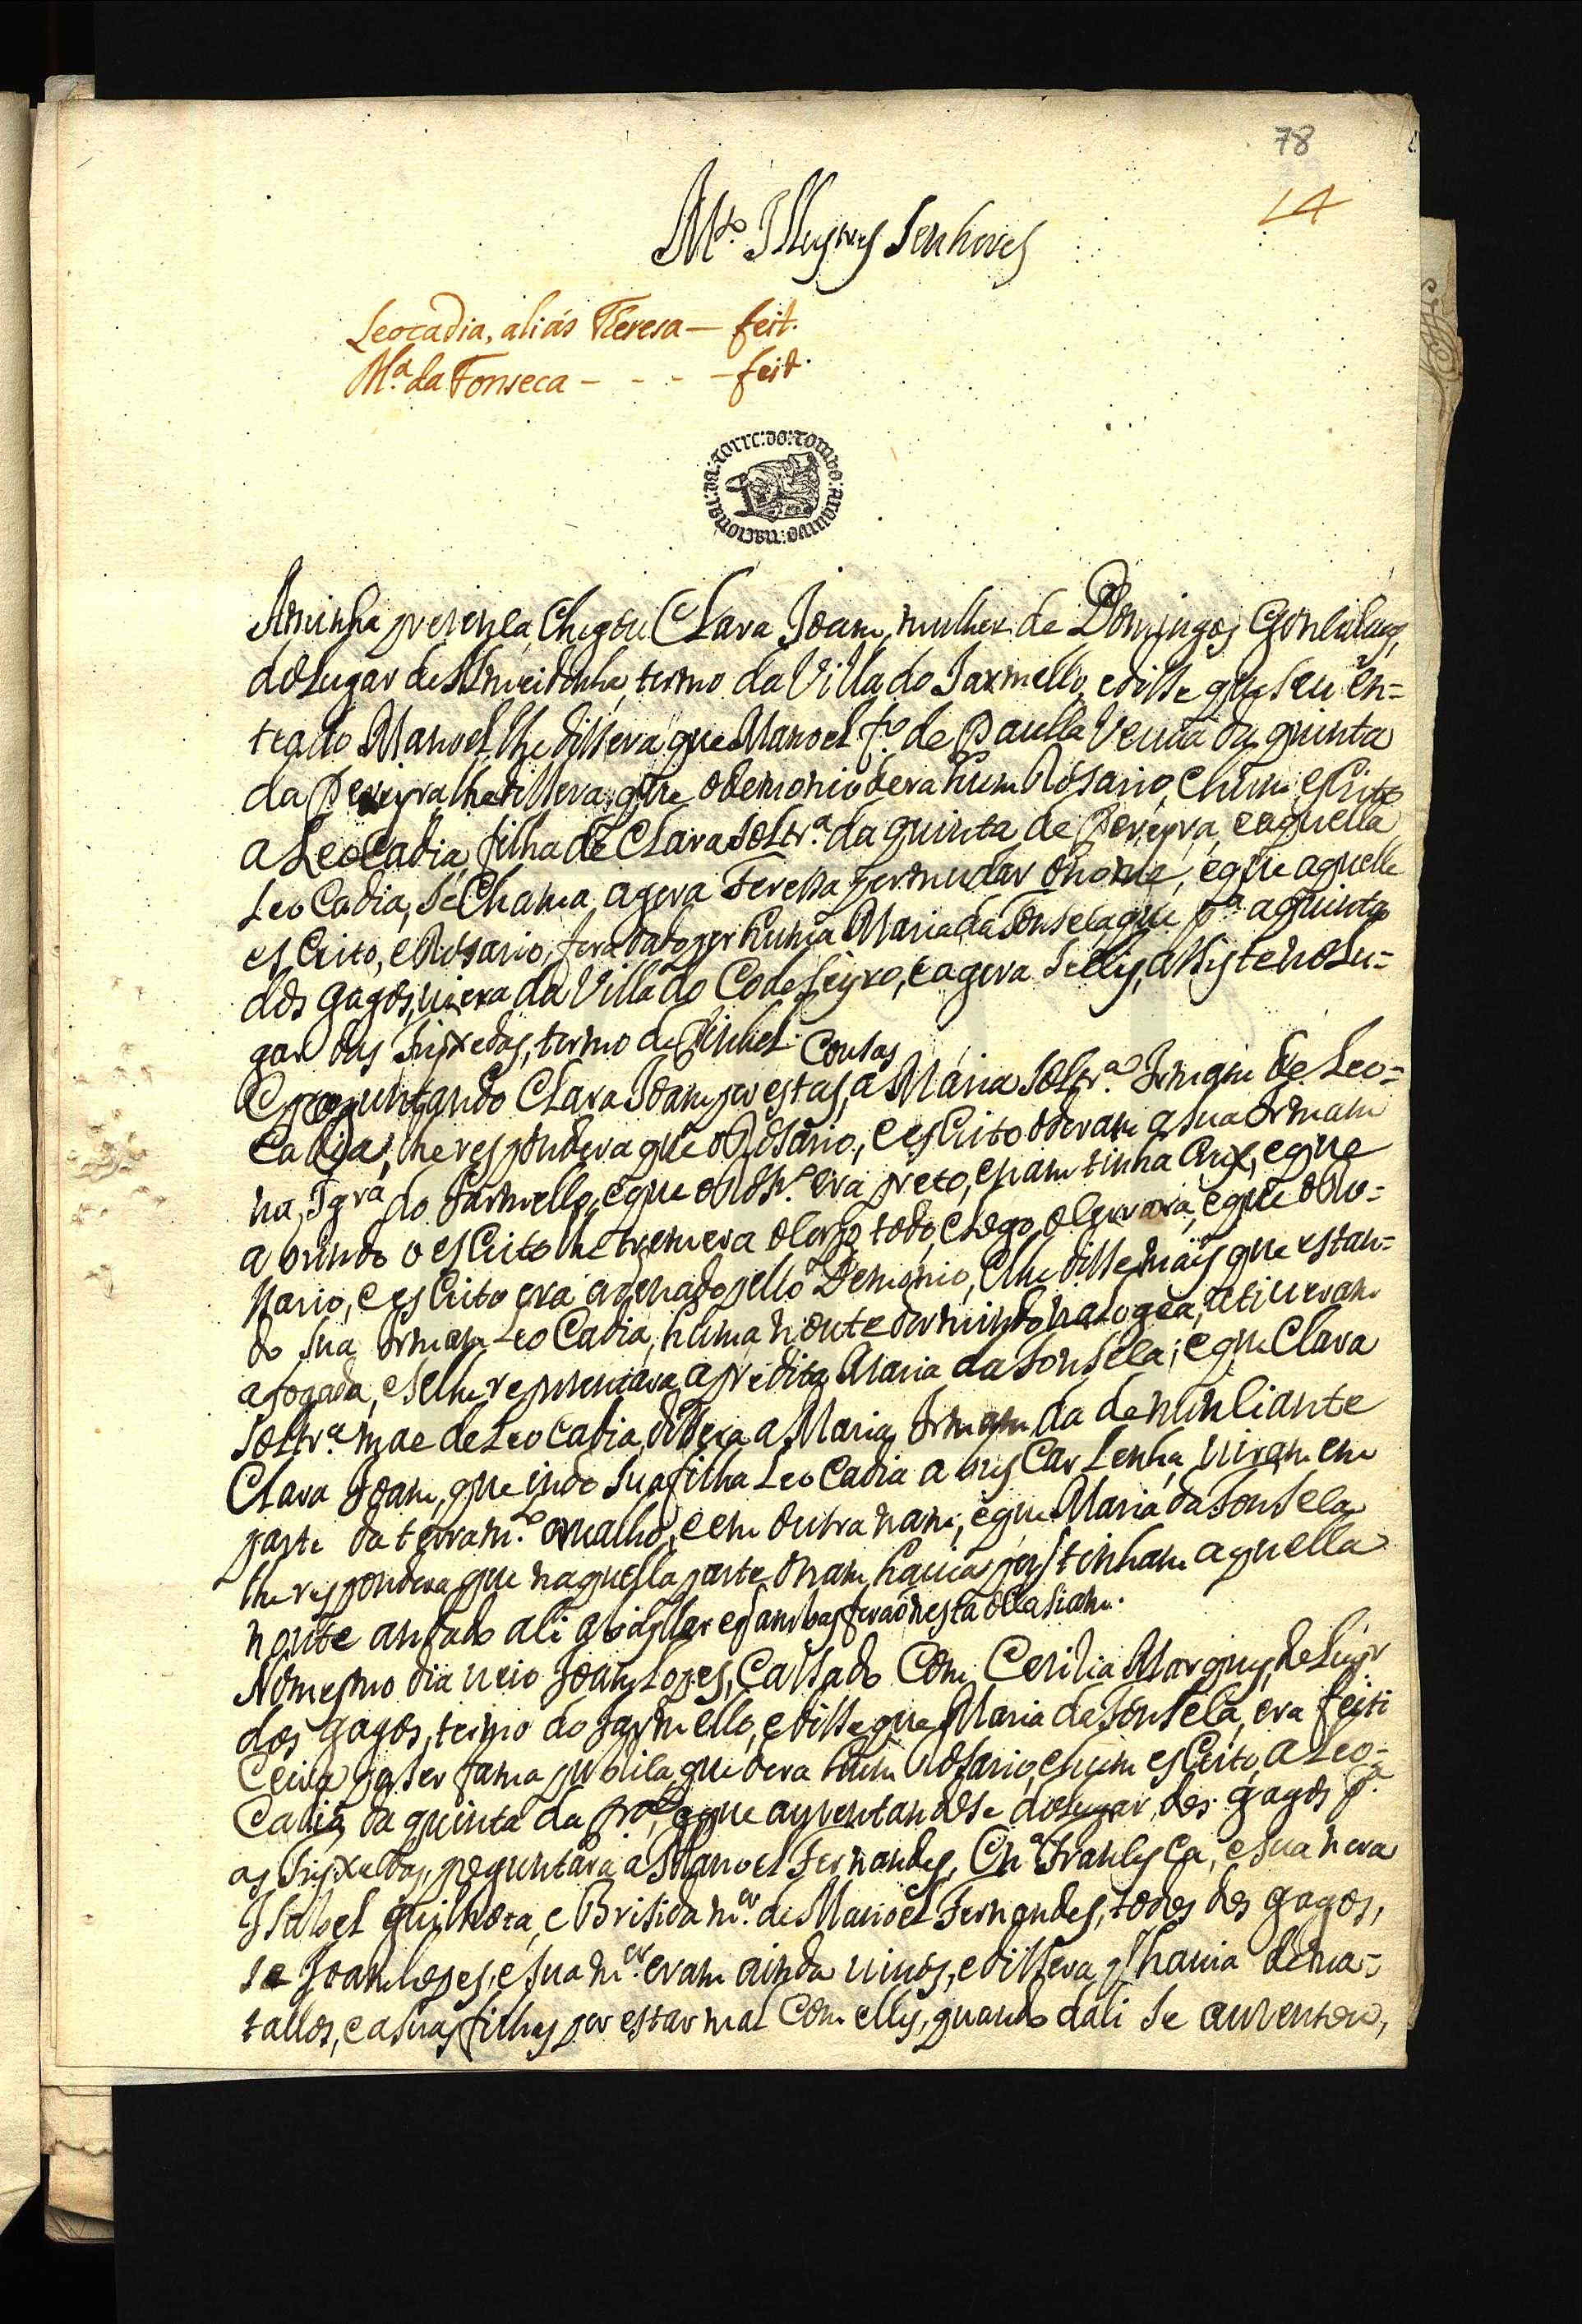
14
M.to Illustres Senhores
Leocadia, aliás Theresa - feit.
feit.
M.a da Fonseca
A minha prezenca, Chegou CLara Joam, mulher de Domingos GonCalues,
do Lugar de Almeidinha, termo da Villa do Iarmello e disse que seu en
teado Manoel, lhe dissera que Manoel f.o de Paulla Veuua da quinta
da Pereyra, lhe dissera, que o demonio dera hum Rosario, e hum esCrito
a LeoCadia, filha de Clara soltr.a da quinta de Pereyra, e aquella
LeoCadia, se Chama, agora Feressa por mudar o nome, e que aquelle
esCrito, e Rosario, fora dado per huma Maria da Fonseca, que p.a a quinta
dos Gagos, uiera da Villa do Codeseyro, e agora se dis, assiste no Lu
gar das Teyxedas, Termo de Pinhel.
e proguntando Clara Ioam por estas
Cousas
a Maria soltr.a Irmam de Leo
Cadia, lhe respondera que o Rosario, e esCrito o deram a Sua Irmam
na Igra do Jarmello, e que o Rosr.o era preto, e nam tinha crux, e que
abrindo o esCrito lhe tremera o corpo todo, e Logo o Curvara, e que o Ro
ssario, e esCrito era ordenado pello Demonio, e lhe disse mais que estan
do sua Irmam LeoCadia, huma noute dar o uinho na Logea, a tiueram
afogada, e se lhe representava a predita Maria da Fonseca; e que Clara
soltr.a mae de Leocadia, dissera a Maria Jrmam da denunCiante
Clara Joam, que indo sua filha LeoCadia a buscar Lenha, uiram em
parte da terra mto. orualho, e em outra nam; e que Maria da FonseCa
lhe respondera que naquella parte, o nam hauia pq̄ tinham aquella
noute andado ali a bayllar e q̄ ambas foraõ nesta oCCasiam.
No mesmo dia ueio Joam Lopes, Cassado Com Cesilia Marques, do Lugr
dos gagos, termo do Jarmello, e disse que Maria da FonseCa, era feiti
Ceira por ser fama publica que dera hum Rosario, e hum esCrito a Leo
Cadia da quinta da P.ra, e que auzentandose do Lugar dos gagos pa.
as Teyxadas, peguntara a Manoel Fernandes, Cna Francisca, e sua nora
Jsabel guilhota, e Brisida m.er de Manoel Fernandes, todos dos gagos,
se Joam lopes, e sua m.er eram ainda uiuos, e dissera q̄ hauia de ma
tallos, e a suas filhas por estar mal com elles, quando dali se auzentou,
